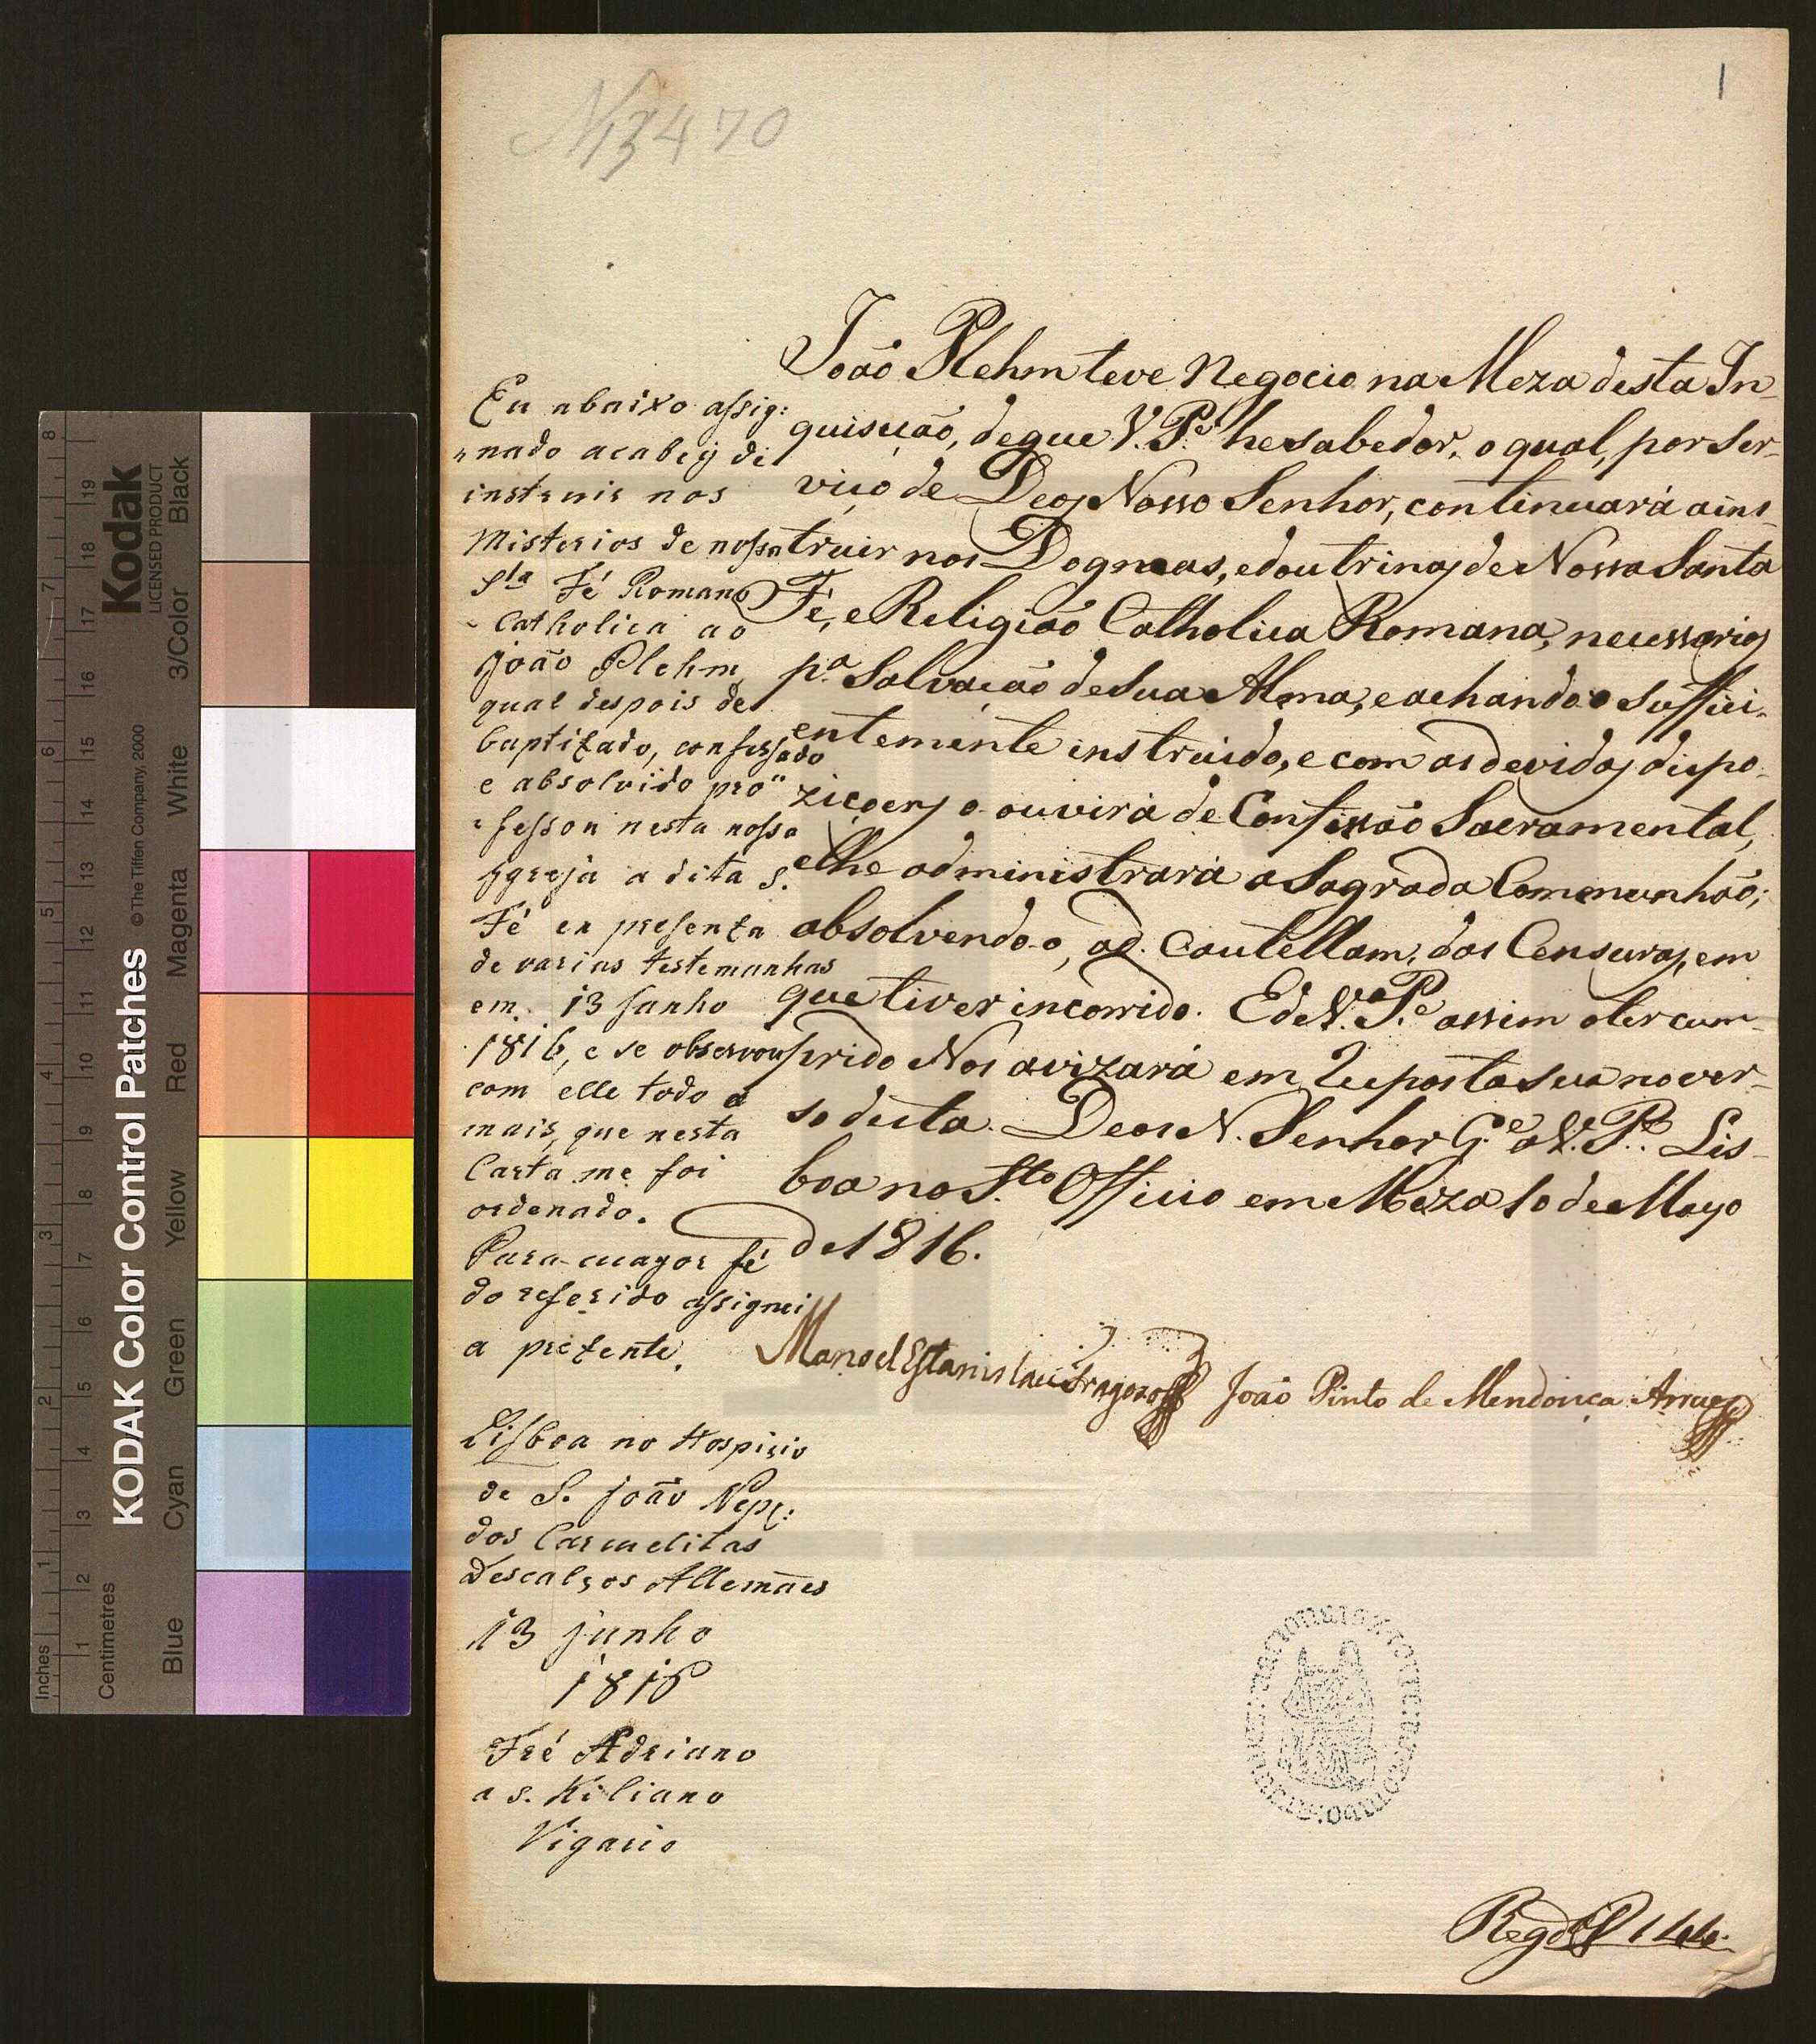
Ioaõ Plehm teve negocio na Meza desta In
quisiçaõ, de que V. P.e he sabedor, o qual, por ser
viço de Deos Nosso Senhor, continuará a ins
struir nos Dogmas, e doutrinas de Nossa Santa
Fé, e Religiaõ Catholica Romana, necessarios
p.a salvaçaõ de Sua Alma, e achando o suffici
entemente instruido, e com as devidas dispo
ziçoens o ouvirá de Confissaõ Sacramental,
e lhe administrará a Sagrada Communhaõ;
absolvendo-o, ad Cautellam, das Censuras, em
que tiver encorrido. E de V.a P.e assim o ter cum
prido Nos avizará em Resposta sua no ver
so desta. Deos N. Senhor G.e a V. P.e Lis
boa no S.to Officio em Meza 10 de Mayo
de 1816.
Eu abaixo assig
nado acabei de
instruir nos
misterios de nossa
S.ta Fé Romano
Catholica ao
João Plehm
qual despois de
baptizado, confessado
e absolvido pro
fessou nesta nossa
Jgreja à dita S.
Fé en presenza
de varias testemunhas
em i3 Junho
1816, e se observou
com elle todo o
mais, que nesta
Carta me foi
ordenado.
Para mayor fé
do referido assignei
a prezente.
Lisboa no Hospicio
de S. João Nepc:
dos Carmelitas
Descalsos Allemães
i3 junho
i8i6
Fré Adriano
a s. Kiliano
Vigario
Manoel Estanislau Fragozo
Joaõ Pinto de Mendonça Arraes
Reg.da f144.
